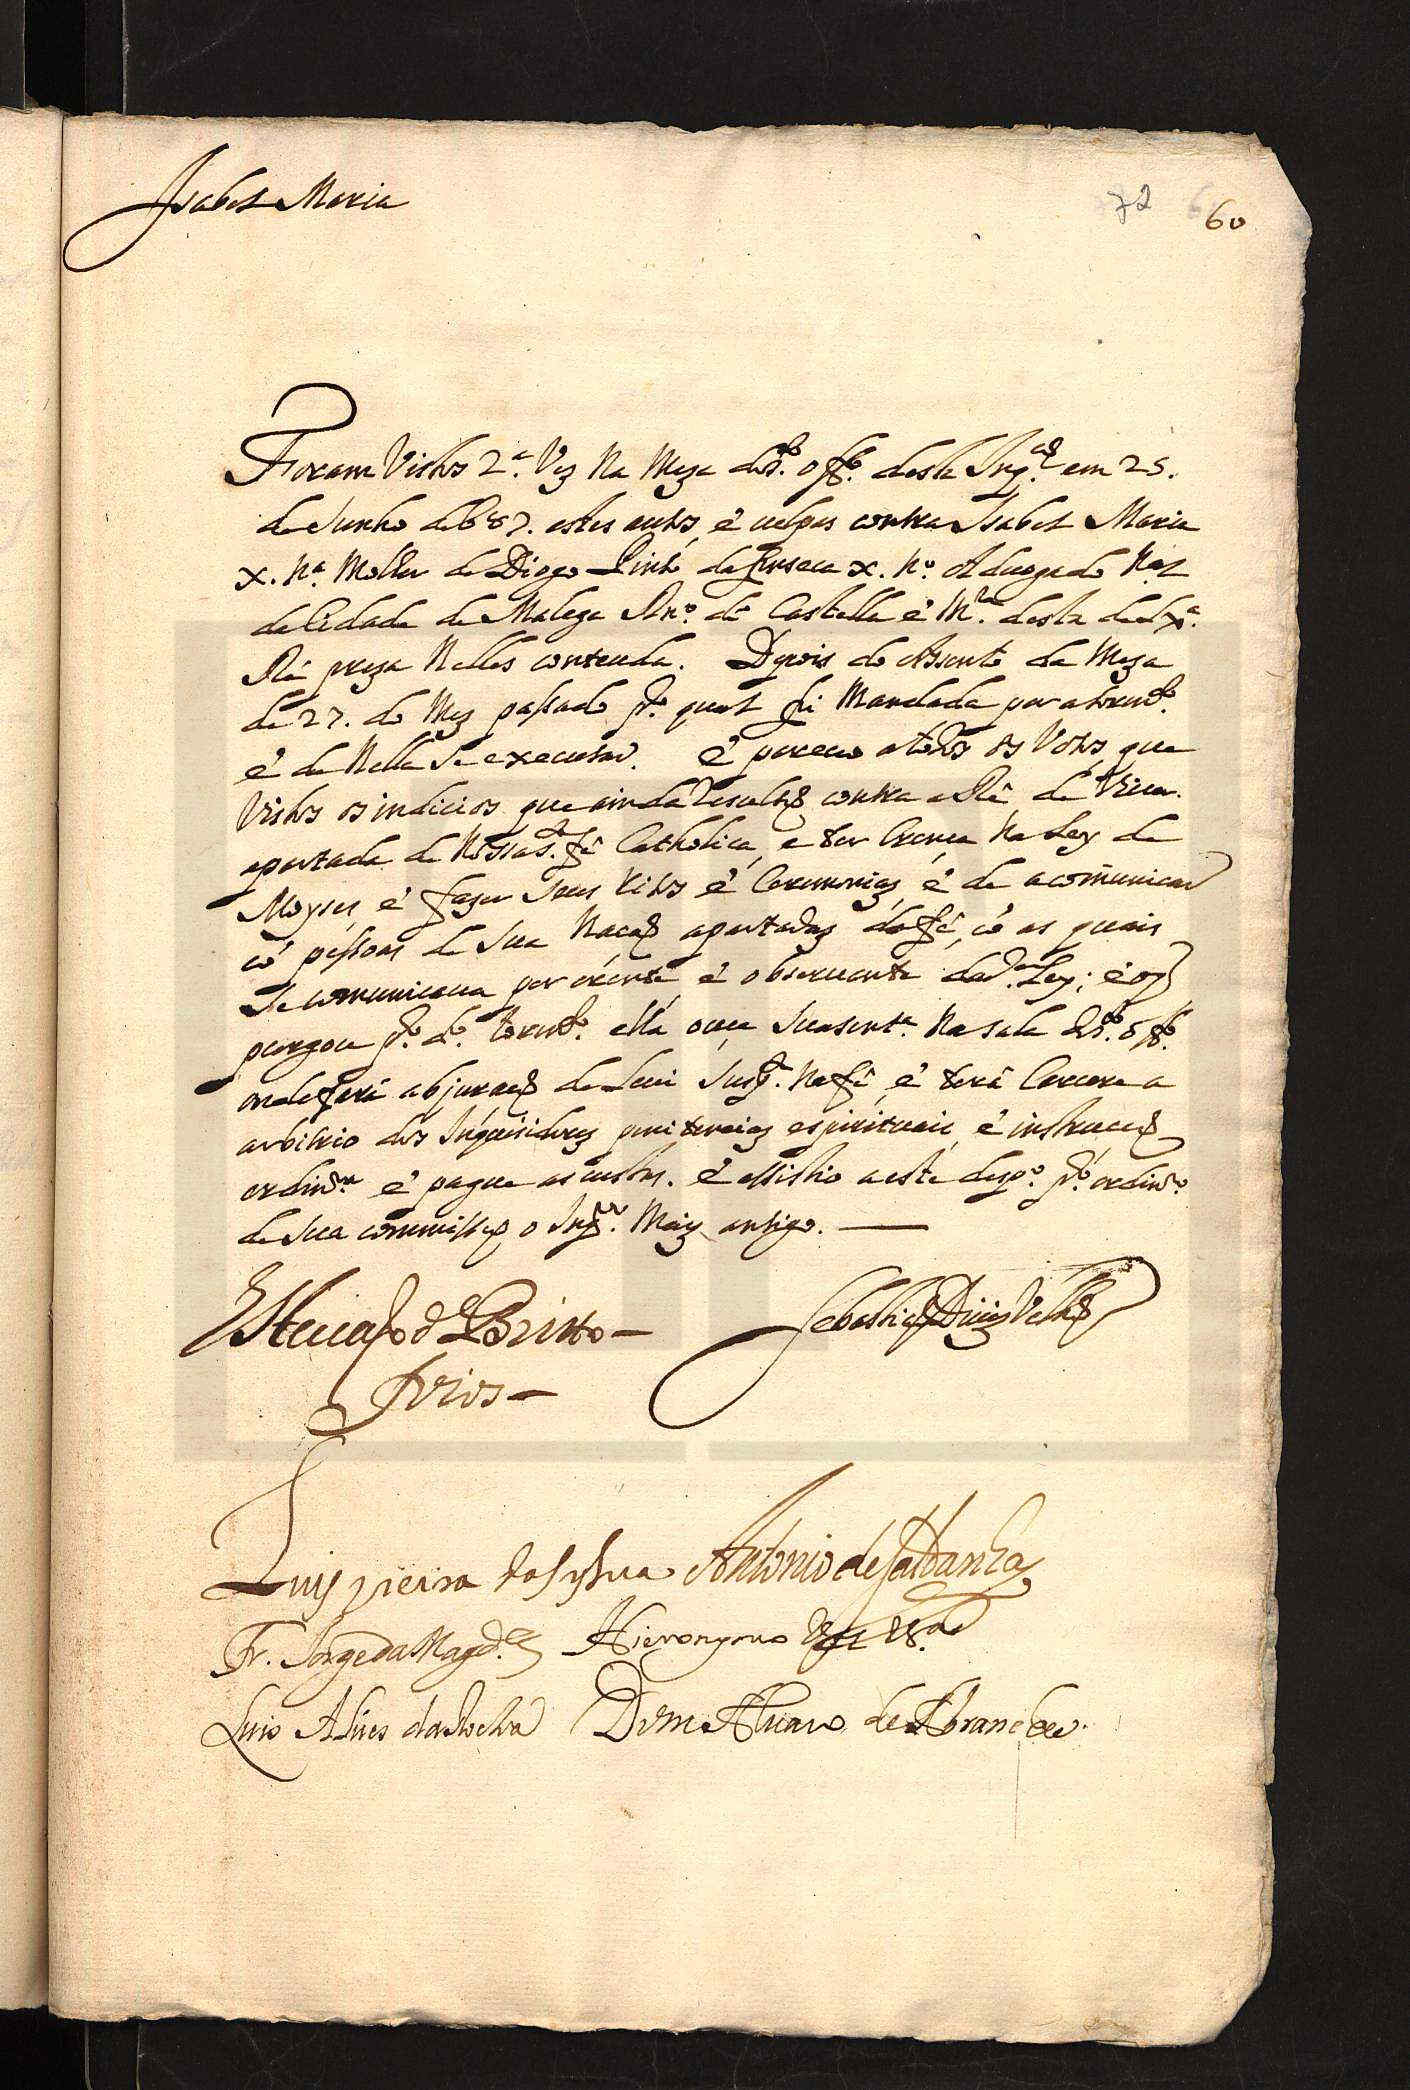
Jsabel Maria
Foram Vistos 2.a Vez Na Meza do s.to off.o desta Inq.caõ em 25.
de Iunho de 687 estes autos, e culpas contra Isabel Maria
x. n.a Molher de Diogo Pinto da fonseca x. n.o Aduogado N.al
da Cidade de Malega Rn.o de Castella e M.ra desta de Lx.a
Ré preza Nelles conteuda. Depois do Assento da Meza
de 27. do Mez passado p.lo qual foi Mandada por a torm.to
e de Nella se executar. e pareceo a todos os Votos, que
Vistos os indicios que ainda reuelaõ contra a Ré de Viuer
apartada de Nossa s.ta fé Catholica, e ter Crença Na Ley de
Moyses, e fazer seus ritos e ceremoniaz, e de a com̄unicar
cō pessoas de sua Naçaõ apartadaz da fé, cō as quais
se comunicaua por crente e obseruante da d.a Ley; e o q̄
purgou p.lo d.o torm.to ella ouça sua sent.a Na sala do s.to off.o
onde fará abjuraçaõ de Leui susp.ta na fé, e terá Carcere a
arbitrio dos Inquisidorez penitenciaz espirituais, e instruçaõ
ordin.ra e pague as custas. e assistio a este desp.o p.lo ordinro.
de sua commissaõ o Inq.or Maiz antigo.
